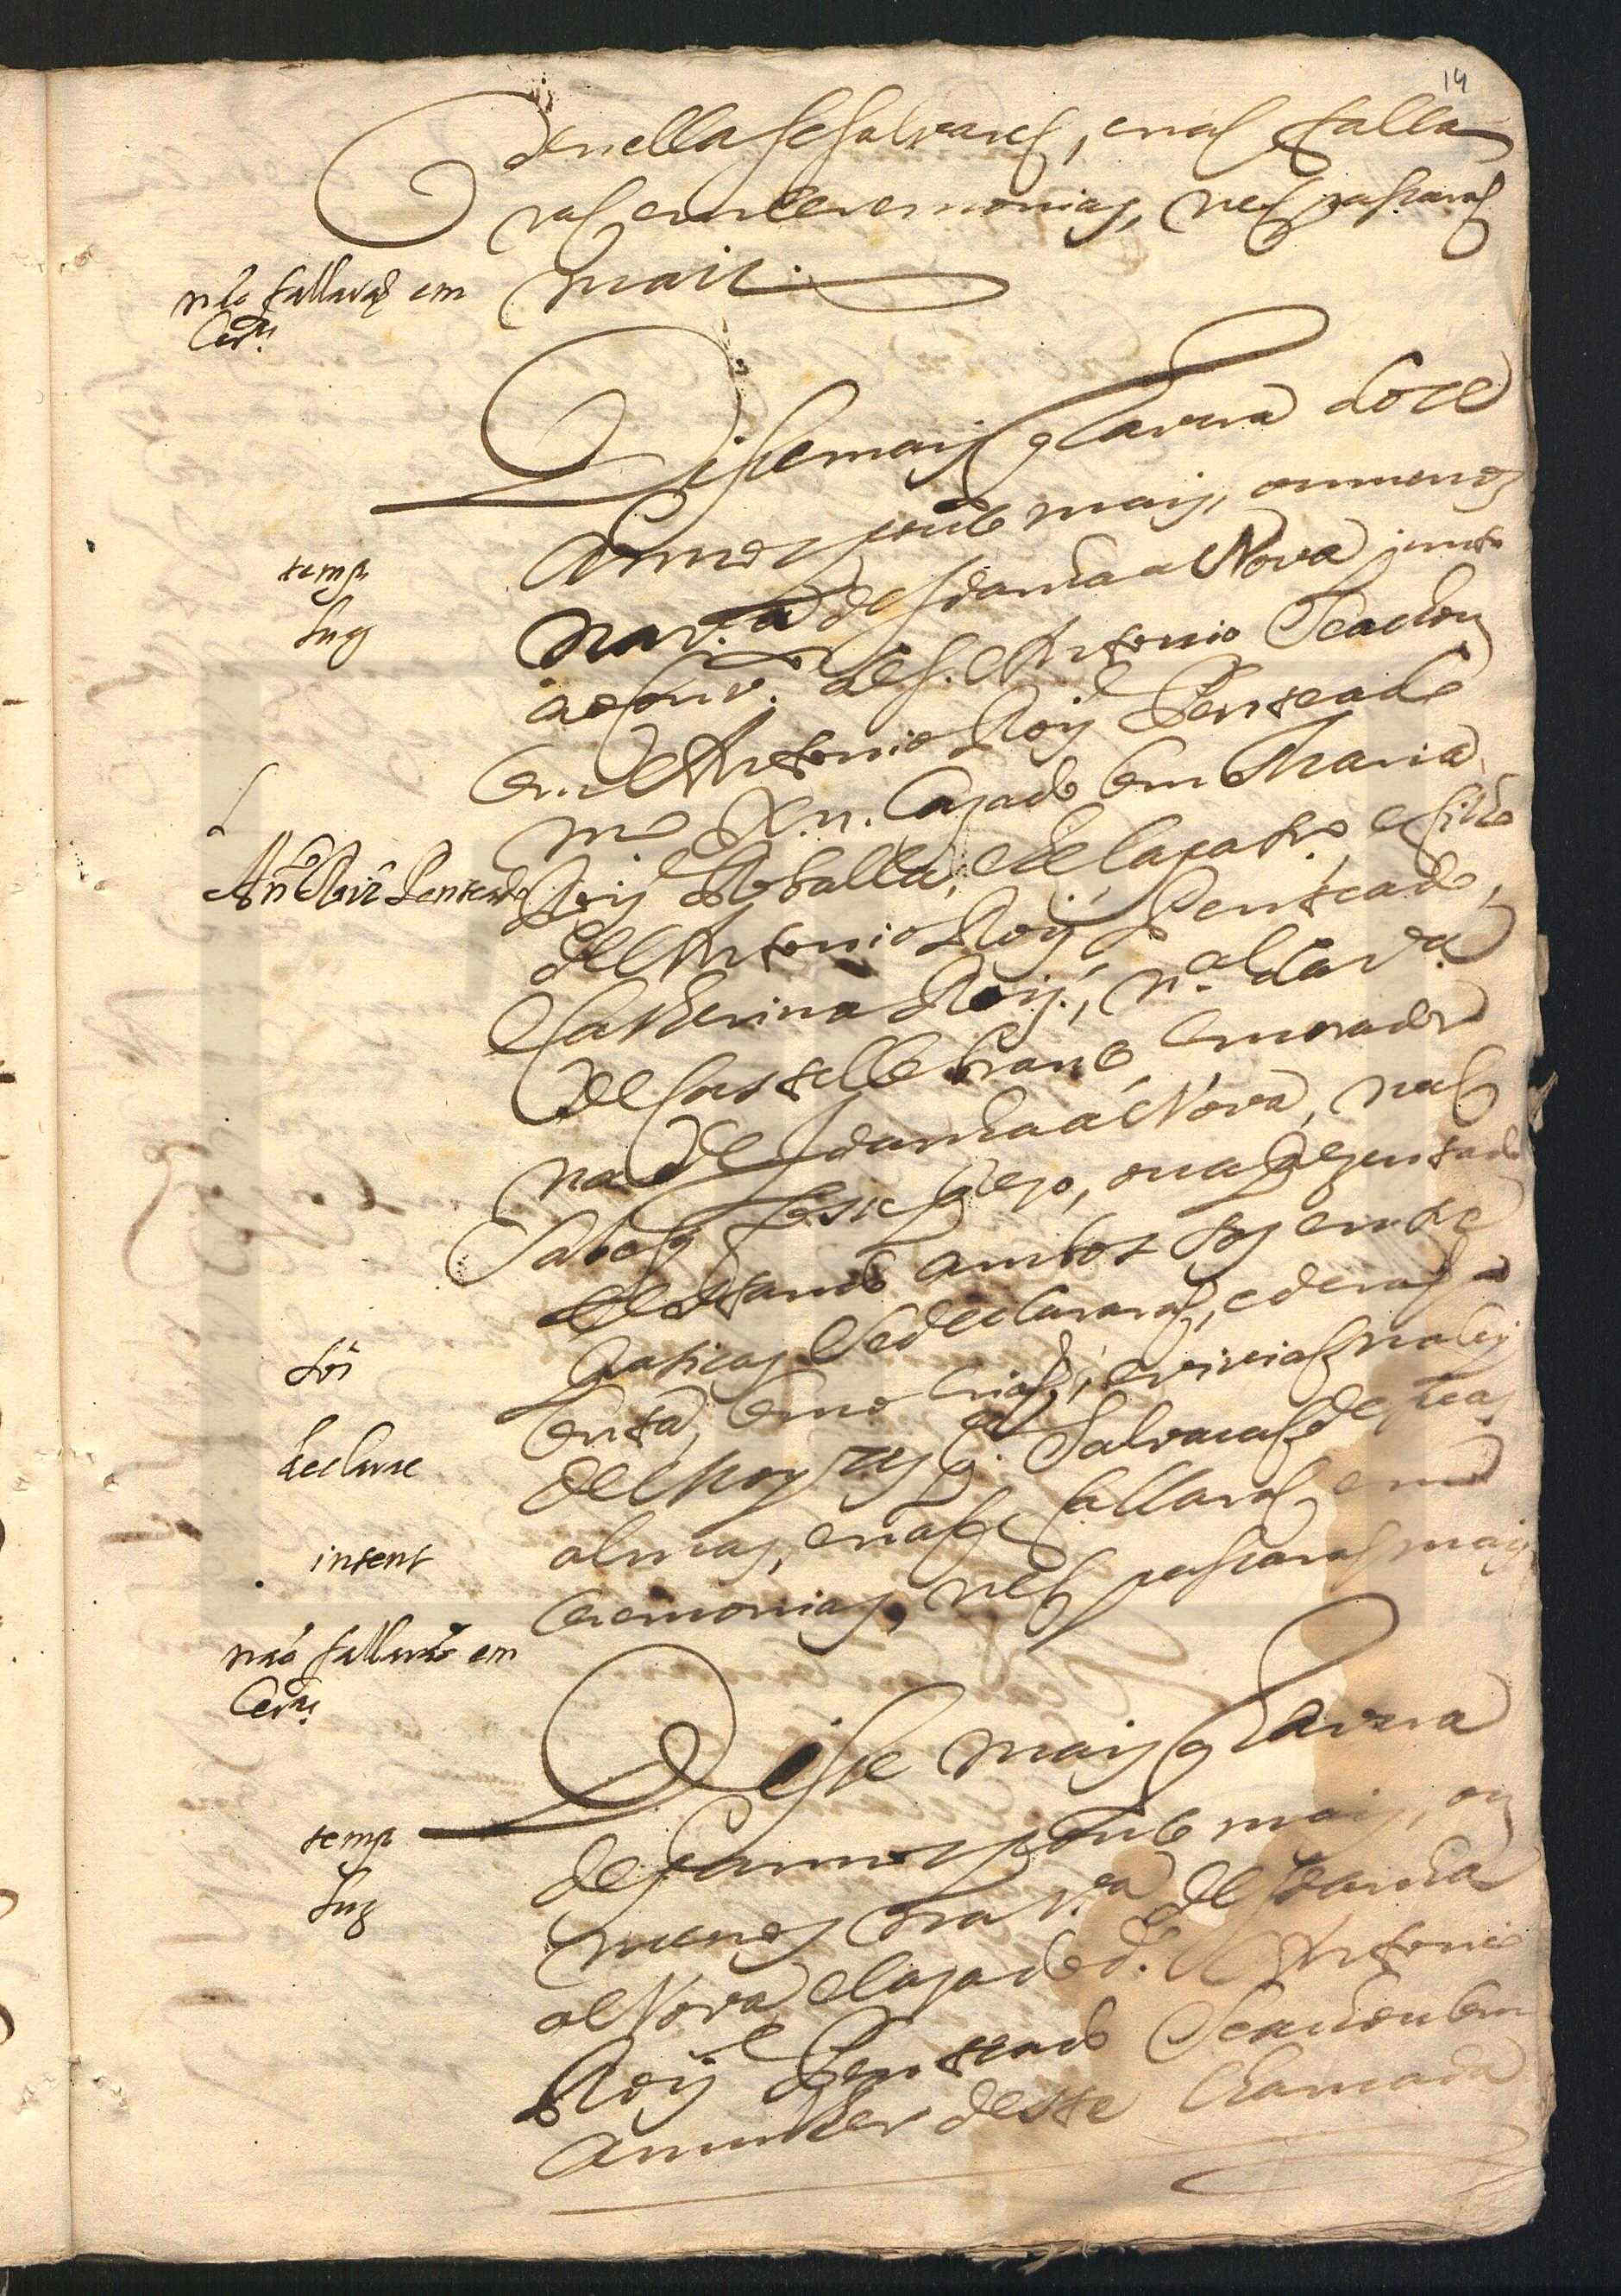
de nella se salvareꝭ, e naꝭ falla
raõ em ceremonias, neꝭ passaraꝭ
mais
não fallaraõ em
Cer.as
Disse mais q̄ havera doze
annos pouco mais, ou menos
na v.a de Jdanha a Nova junto
temp
ao Conv.to de s. Antonio Se achou
lug
Com Antonio Rois̄ Penteado
m.o x.n. Cazado Com Maria
Rois̄ Roballa; e he Çapatr.o, e filho
de Antonio Rois̄ Penteado,
Anto Roiz̄ Penteado
E Catherina Rois̄, n.al da v.a
de Castello branco, E morador
na de Jdanha a Nova, naõ
Sabe q̄ fosse prezo, ou aprezentado
e estando ambos sos entre
pRaticas se declararaꝭ, e deraõ a
Conta, Como Criaõ, e viuiaꝭ na ley
sós
de Moyzes p.a Salvaçaꝭ de suas
declaraç
almas, e naõ fallaraꝭ em
Ceremonias, neꝭ passaraꝭ mais
intent
naõ fallarão em
Cera.s
Disse mais q̄ havera
des annos pouco mais, ou
temp
menos na v.a de Jdanha
lug
a Nova, e Caza do d.o Antonio
Rois̄ Penteado Se achou com
a mulher deste chamada
